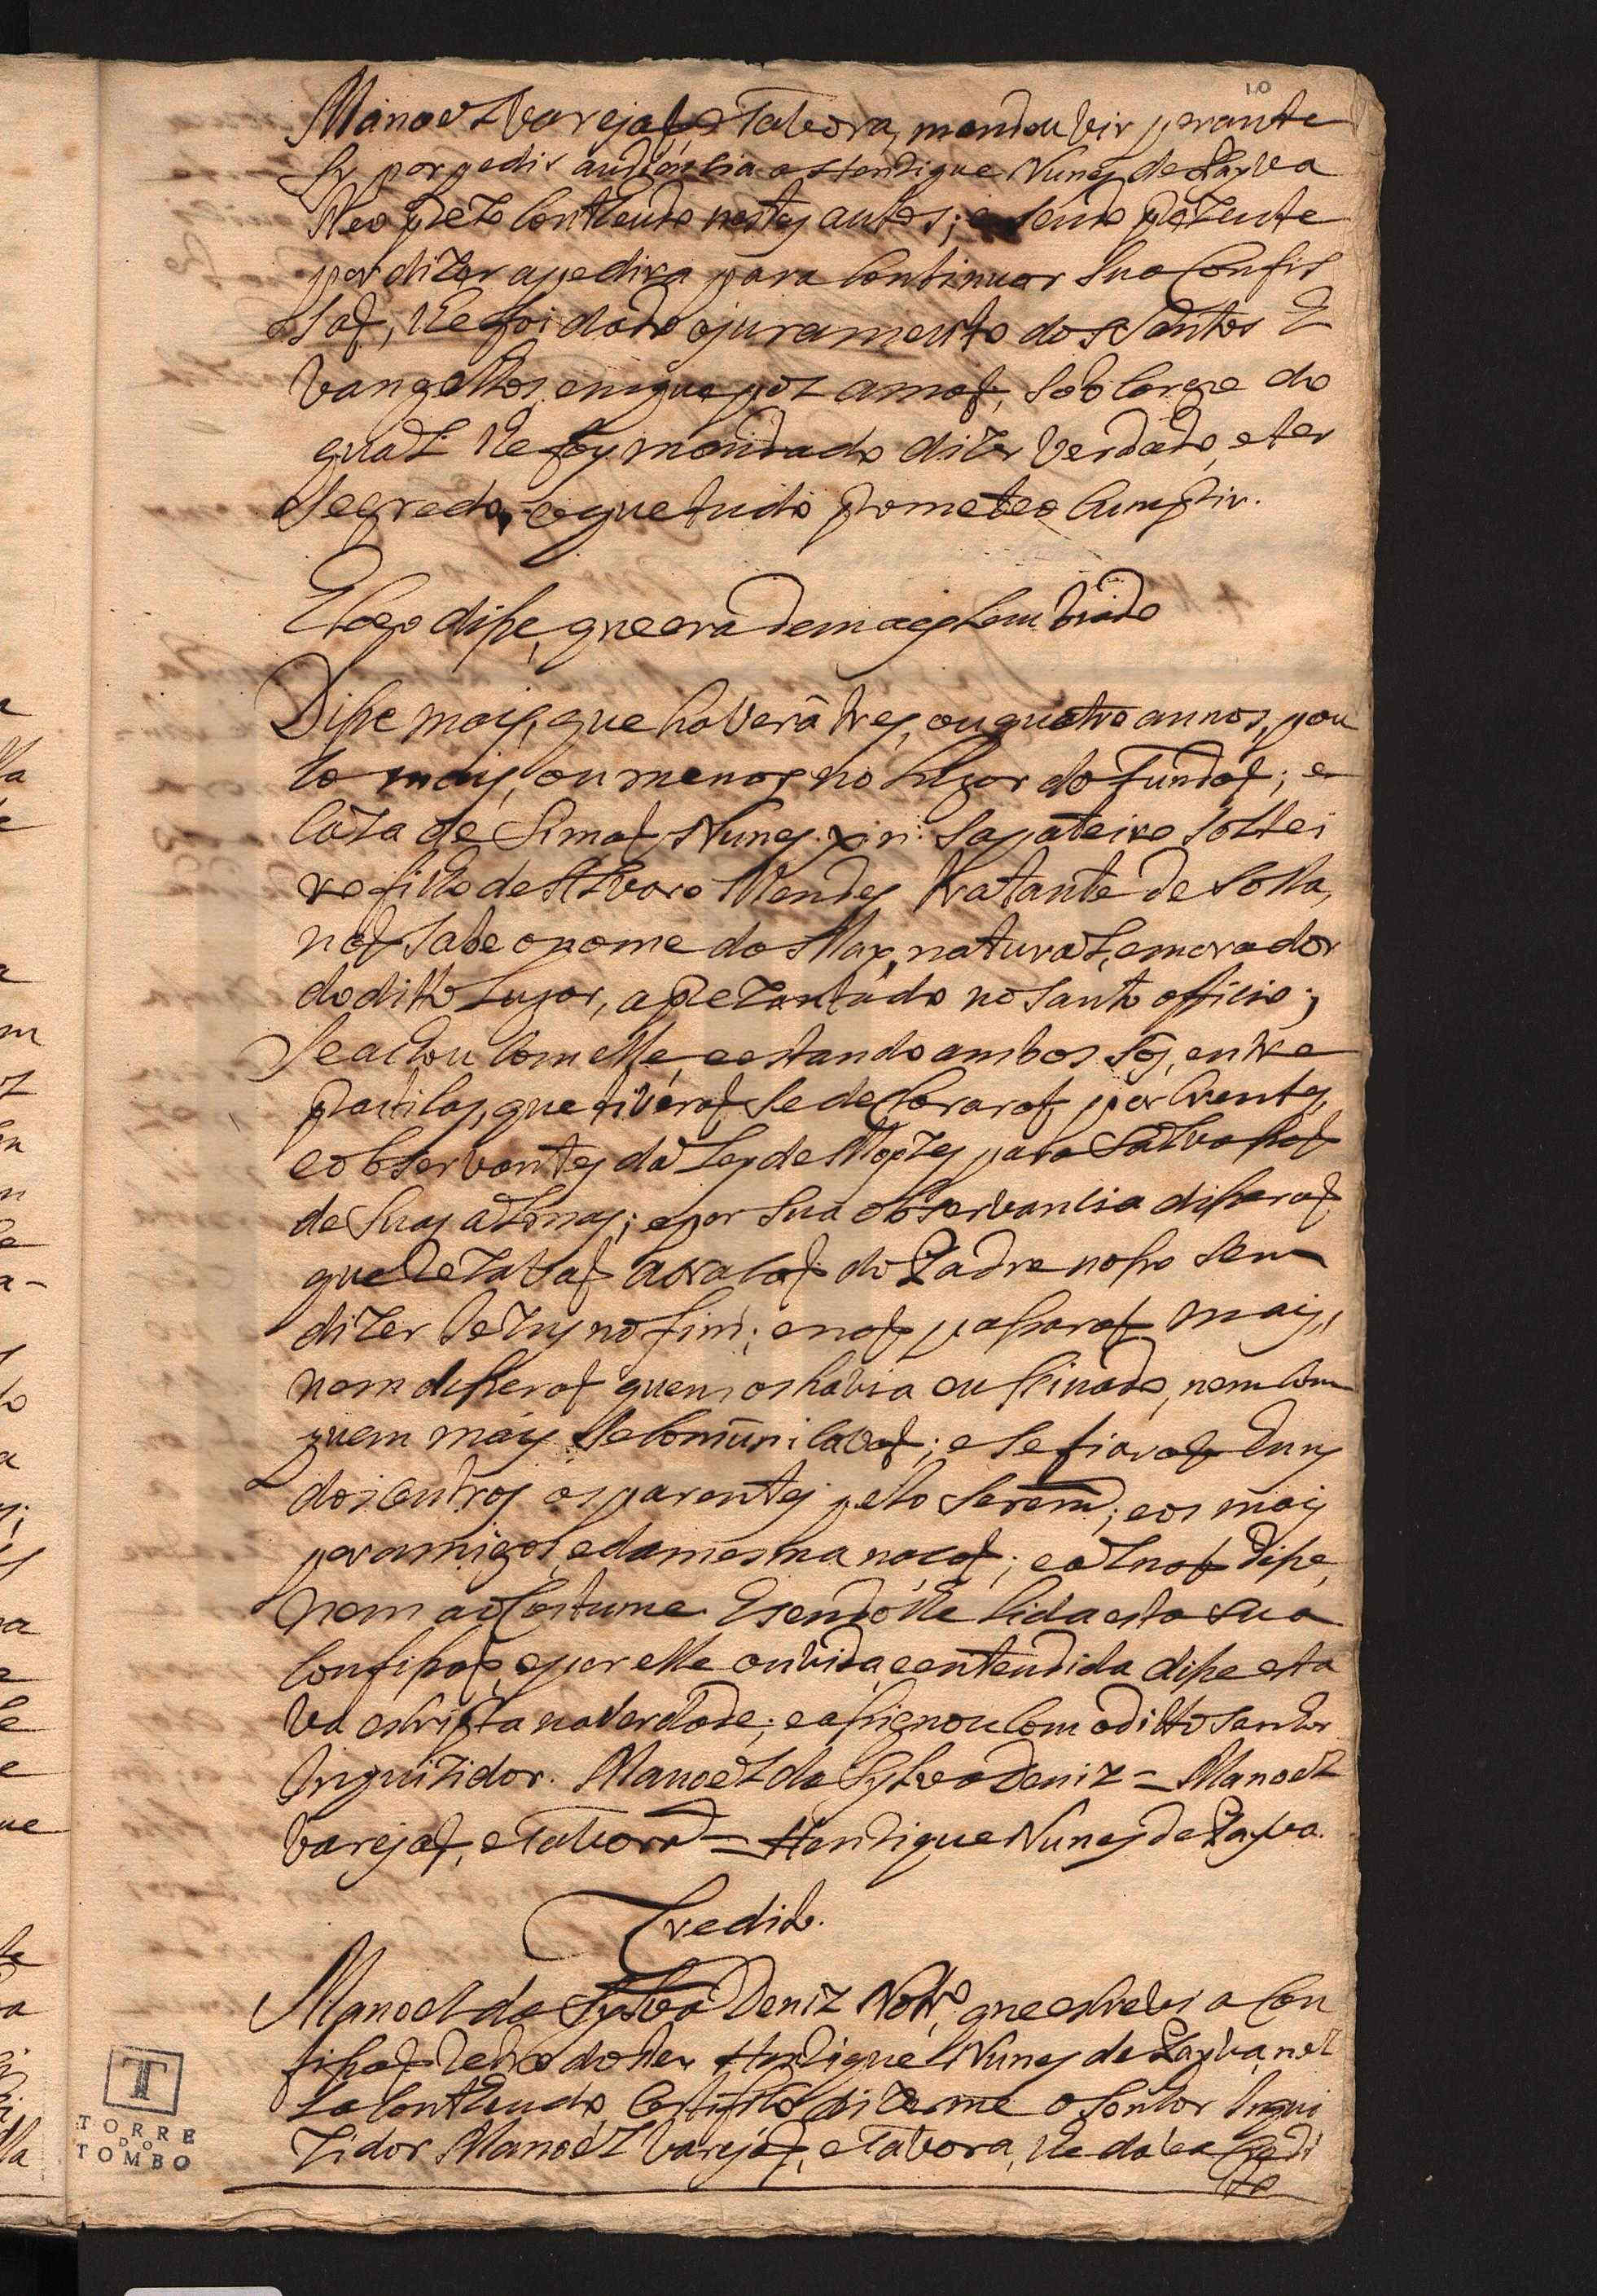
Manoel Varejaõ, e Tavora, mandou vir perante
sy por pedir audiencia a Henrique Nunes de Payva
Reo pRezo Contheudo nestes autos; e sendo pRezente
por dizer a pedira para continuar sua Confis
saõ, lhe foi dado o juramento dos Santos E
vangelhos em que poz a maõ, sob Cargo do
qual lhe foy mandado dizer verdade, e ter
Segredo, e que tudo pRometeo cumpRir.
Logo disse, que era de mais Lembrado
Disse mais, que haverá tres, ou quatro annos, pou
co mais, ou menos no Lugar do Fundaõ; e
Caza de Simaõ Nunes. x.n. sapateiro soltei
ro filho de Alvaro Mendes tratante de Solla,
naõ sabe o nome da May, natural, e morador
do dito Lugar, apRezantado no santo officio;
se achou com elle, e estando ambos sos, entre
pRactiCas, que tiveraõ se declararaõ por Crentes
e observantes da Ley de Moyzes para Salvassaõ
de Suas almas; e por sua observancia disseraõ
que Rezavaõ a oraçaõ do Padre nosso sem
dizer Iezus no fim; e naõ passaraõ mais,
nem disseraõ quem os havia enssinado, nem Com
quem mais se comūnicavaõ; e se fiaraõ huns
dos outros os parentes pelo serem; e os mais
por amigos, e da mesma naçaõ; e al naõ disse
nem ao Costume E sendolhe lida esta sua
Confissaõ, e por elle ouuida e entendida disse esta
va esCripta na verdade; e assignou com o ditto senhor
Inquizidor. Manoel da Sylva Deniz = Manoel
varejaõ, e Tavora = Henrique Nunes de Payva
Credito.
Manoel da Sylva Deniz Notr.o que esCrevi a Con
fissaõ Retro do Reo Henrique Nunes de Payva, nel
la contheudo Certifico dizerme o senhor Inqui
Zidor Manoel Varejaõ, e Tavora, lhe dava Credi
to
